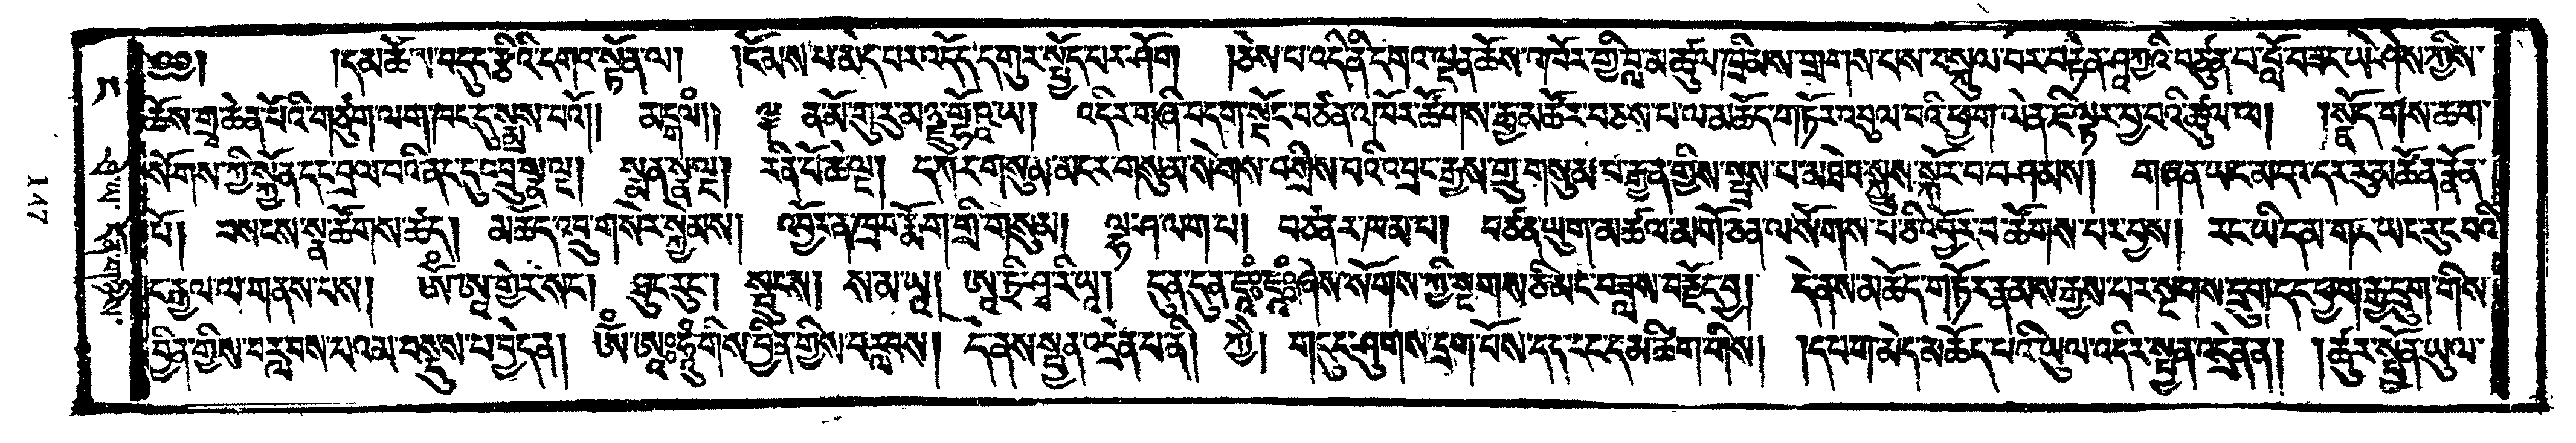༄༅། །དམ་ཆོས་བདུད་རྩིའི་དགའ་སྟོན་ལ། །ངོམས་པ་མེད་པར་འདོད་དགུར་སྤྱོད་པར་ཤོག །ཅེས་པ་འདི་ནི་དགའ་ལྡན་ཆོས་འཁོར་གྱི་བླ་མ་ཚུལ་ཁྲིམས་གྲགས་པས་བསྐུལ་བར་བརྟེན་ཤཱཀྱའི་བཙུན་པ་བློ་བཟང་ཡེ་ཤེས་ཀྱིས་
ཆོས་གྲྭ་ཆེན་པོའི་གཙུག་ལག་ཁང་དུ་སྨྲས་པའོ།། མངྒལཾ།། ༈ ན་མོ་གུ་རུ་མཉྫུ་གྷོཥཱ་ཡ། འདིར་གཞི་བདག་སྡོང་བཙན་འཁོར་ཚོགས་རྒྱ་མཚོར་བཅས་པ་ལ་མཆོད་གཏོར་འབུལ་བའི་ཕྱག་ལེན་ཇི་ལྟར་བྱ་བའི་ཚུལ་ལ། །སྣོད་གས་ཆག་
སོགས་ཀྱི་སྐྱོན་དང་བྲལ་བའི་ནང་དུ་འབྲུ་སྣ་ལྔ། སྨན་སྣ་ལྔ། རིན་པོ་ཆེ་ལྔ། དཀར་གསུམ་མངར་གསུམ་སོགས་བསྲིས་པའི་འབྲང་རྒྱས་གྲུ་གསུམ་པ་རྒྱན་གྱིས་སྤྲས་པ་མཐེབ་སྐྱུས་སྐོར་བ་བཤམས། གཞན་ཡང་མདའ་དར་རུ་མཚོན་རྣོན་
པོ། བསངས་སྣ་ཚོགས་ཚད། མཆོད་འབྲུ་གསེར་སྐྱེམས། འབྱོར་ན་ཁྲབ་རྨོག་གྲི་གསུམ། ལྷ་ཤ་ལག་པ། བཙན་ར་ཁམ་པ། བཙན་ཡུག་མཚལ་མགོ་ཅན་ལ་སོགས་པ་ཅི་འབྱོར་བ་ཚོགས་པར་བྱས། རང་ཡི་དམ་གང་ཡང་རུང་བའི་
ང་རྒྱལ་ལ་གནས་པས། ཨོཾ་ཨཱ་གྱེར་སང་། ཐུང་རུང་། སྦུངས། ས་མ་ཡཱ། ཨཱ་ཏྲི་ཤྭ་རི་ཡཱ། དུན་དུན་ཛཱཾཿ ཛཱཾཿ ཞེས་སོགས་ཀྱི་སྔགས་ཅི་མང་བཟླས་བརྗོད་བྱ། དེ་ནས་མཆོད་གཏོར་རྣམས་རྒྱས་པར་སྔགས་དྲུག་དང་ཕྱག་རྒྱ་དྲུག་གིས་
བྱིན་གྱིས་བརླབས་པའམ་བསྡུས་པ་བྱེད་ན། ཨོཾ་ཨཱཿཧཱུཾ་གིས་བྱིན་གྱིས་བརླབས། དེ་ནས་སྤྱན་འདྲེན་པ་ནི། ཀྱཻ། གདུང་ཤུགས་དྲག་པོས་དད་དང་དམ་ཚིག་གིས། །དཔག་མེད་མཆོད་པའི་ཡུལ་འདིར་སྤྱན་འདྲེན་ན། །ཚུར་སྤྱོན་ཡུལ་